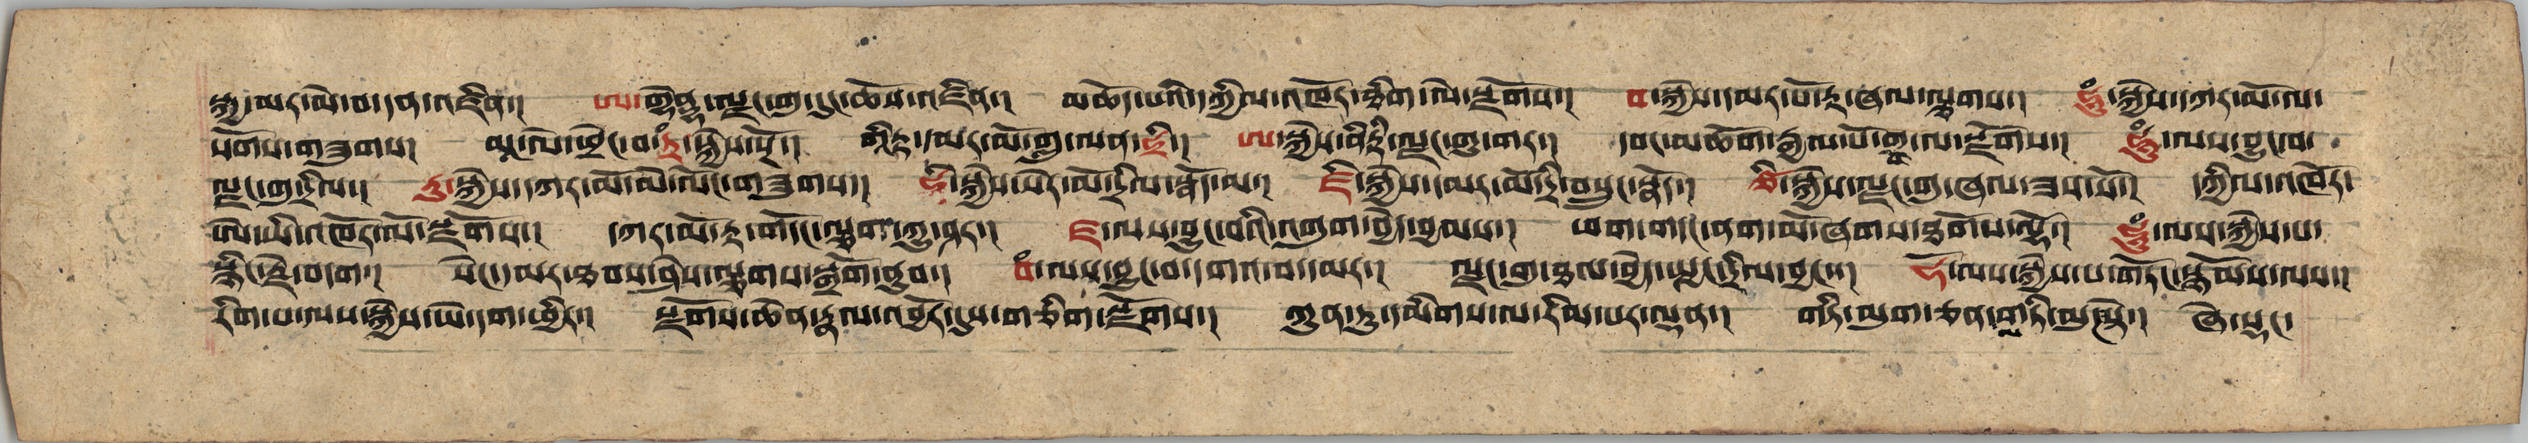སྐྱ་མར་མེ་བ་དན་འཛིན་། ཨ་གྷེནྡྷ་ལྗང་གུ་དུང་ཆོས་འཛིན་། མཆོད་པའི་དཀྱིལ་འཁོར་ཐིག་ལེ་སྫོགས་། བ་སྐྱེས་དམར་པོ་རྟ་ཞལ་ལྕགས་། ཧཱུཾ་སྐྱེས་དཀར་མོ་ལ་
སོགས་་གཟུགས། མཱ་ལེ་ཕྲེང་བ་ཏྲཾ་སྐྱེས་སྔོ་། གཱིརྟ་དམར་མོ་གླུ་ལན་ཧྲི་། ཨ་སྐྱེས་ནིརྟི་ལྗང་གུ་གར་། དབང་མཆོག་རྒྱལ་པོ་གྲྭ་ལ་སྫོགས་། ཧཱུཾ་ལས་བྱུང་བ་
ལྗང་གུ་དྲིལ་། རུ་སྐྱེས་དཀར་མོ་མེ་ལོང་གཟུགས་། ཧྲི་སྐྱེས་སེར་མོ་དྲིལ་སྣོད་མ་། ཛི་སྐྱེས་དམར་མོ་དྲི་བསྲུང་སྣོད་། ཙི་སྐྱེས་ལྗང་གུ་ཞལ་ཟས་སོ་། དཀྱིལ་འཁོར་
ཨེ་ཡི་འཁོར་ལོ་སྫོགས་། དཀར་མོ་རྟ་གདོང་ལྕག་ཀྱུ་ཤར་། ཛ་ལས་བྱུང་བའི་འགུག་བྱེད་བྱམས་། ཕག་གདང་ནག་མོ་ཞགས་ཐོགས་ལྷོ་། ཧཱུཾ་ལས་སྐྱེས་པ་
སྙིང་རྗེ་བདག་། སེང་དམར་ཐབས་ཤེས་ལྕགས་སྒྲོག་ནུབ་། བཾ་ལས་བྱུང་བ་དགའ་བ་དམར་། ལྗང་གུ་ཐལ་བྱེད་སྤྱང་དྲིལ་བྱང་་། ཧོ་ལས་སྐྱེས་པ་གཏོང་སྙོམས་ལས་།
རིག་པ་ལས་སྐྱེས་ཡེ་དག་ཕྱིར་། སྫོགས་ཆེན་རྣལ་འབྱོར་དུས་གཅིག་སྫོགས་། ཀུན་ཏུ་དམིགས་ལ་རིམ་པར་ལྡན་། གཏི་མུག་ཅན་ལ་གཏི་མུཌསྟེ་། ཞེ་སྡང་